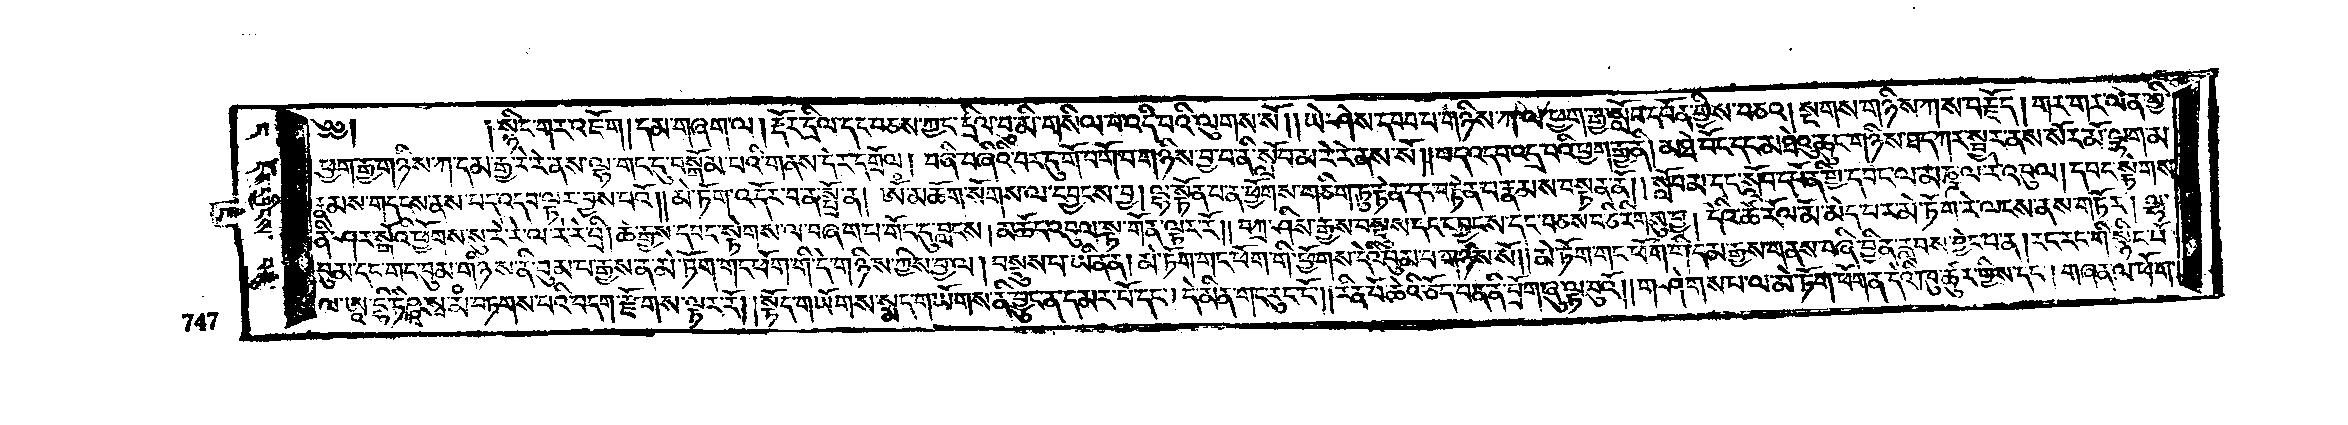༄༅། །སྙིང་གར་འཇོག །དམ་གཞག་ལ། རྡོར་དྲིལ་དང་བཅས་ཀྱང་དྲིལ་བུ་མི་གསིལ་བ་འདི་པའི་ལུགས་སོ། །ཡེ་ཤེས་དབབ་པ་གཉིས་ཀ་ལ་ཕྱག་རྒྱ་སློབ་དཔོན་གྱིས་བཅའ། སྔགས་གཉིས་ཀས་བརྗོད། གར་གར་ལེན་གྱི་
ཕྱག་རྒྱ་གཉིས་ཀ་དམ་རྒྱ་རེ་རེ་ནས་ལྷ་གང་དུ་བསྒོམ་པའི་གནས་དེར་དགྲོལ། བཞི་བཞིའི་བར་དུ་གོ་བགོ་བ་གཉིས་བྱ་བ་ནི་སློབ་མ་རེ་རེ་ནས་སོ། །པད་འདབ་འདྲ་བའི་ཕྱག་རྒྱ་ནི། མཐེ་བོང་དང་མཐེའུ་ཆུང་གཉིས་ཐད་ཀར་སྦྱར་ནས་སོར་མོ་ལྷག་མ་
རྣམས་གདངས་ནས་པད་འདབ་ལྟར་བྱས་པའོ། །མེ་ཏོག་འདོར་བ་ན་སྤྲོ་ན། ཨོཾ་མཆོག་སོགས་ལ་དབྱངས་བྱ། ལྷ་སྟོན་པ་ན་ཕྱོགས་གཅིག་ཏུ་རྟེན་དང་བརྟེན་པ་རྣམས་བསྟན་ནོ། །སློབ་མ་དང་སློབ་དཔོན་གྱི་དབང་ལ་མཎྜལ་ལ་རེ་འབུལ། དབང་སྟེགས་
ནི་ཤར་སྒོའི་ཕྱོགས་སུ་རེ་རེ་ལ་རེ་རེ་བྲི། ཆེ་རྒྱས་དབང་སྟེགས་ལ་བཞག་པ་གོང་དུ་བླངས། མཆོད་འབུལ་སྟ་གོན་ལྟར་རོ། །བཀྲ་ཤིས་རྒྱས་བསྡུས་དང་དབྱངས་དང་བཅས་པ་ཅི་རིགས་སུ་བྱ། དེའི་ཚེ་རོལ་མོ་མེད་པར་མེ་ཏོག་རེ་ལངས་ནས་གཏོར། ལྷ་
བུམ་དང་གང་བུམ་གཉིས་ནི་བུམ་པ་རྒྱས་ན་མེ་ཏོག་གང་ཕོག་གི་དེ་གཉིས་ཀྱིས་བྱ་ལ། བསྡུས་པ་ཡིན་ན། མེ་ཏོག་གང་ཕོག་གི་ཕྱོགས་དེའི་བུམ་པ་གཉིས་སོ། །མེ་ཏོག་གང་ཕོག་གི་དམ་རྒྱས་གནས་བཞི་བྱིན་རླབས་བྱེད་པ་ན། རང་རང་གི་སྙིང་པོ་
ལ་ཨཱ་དྷི་ཏིཥཊཿཨ་སྭ་མཾ་བཏགས་པའི་བདག་རྫོགས་ལྟར་རོ། །སྟོད་གཡོགས་སྨད་གཡོགས་ནི་བྱུང་ན་དམར་པོ་དང་། དེ་མིན་གང་རུང་ངོ། །རིན་པོ་ཆེའི་ཅོད་པན་ནི་བྲོག་ཞུ་ལྟ་བུའོ། །གཤེགས་པ་ལ་མེ་ཏོག་ཕོག་ན་དེའི་ཁུ་ཚུར་གྱིས་ས་དང་། གཞན་ལ་ཕོག་